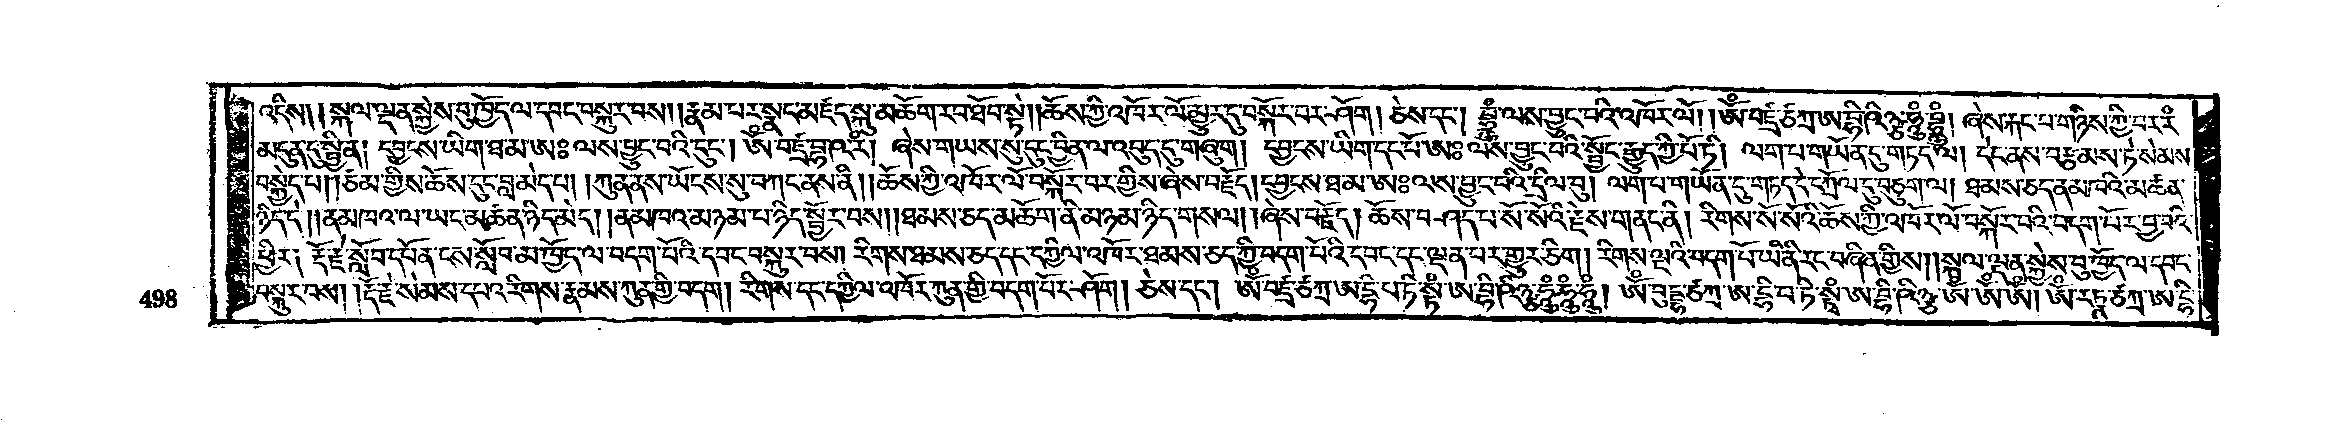འདིས། །སྐལ་ལྡན་སྐྱེས་བུ་ཁྱོད་ལ་དབང་བསྐུར་བས། །རྣམ་པར་སྣང་མཛད་སྐུ་མཆོག་རབ་ཐོབ་སྟེ། །ཆོས་ཀྱི་འཁོར་ལོ་མྱུར་དུ་བསྐོར་བར་ཤོག །ཅེས་དང་། བྷྲཱུཾ་ལས་བྱུང་བའི་འཁོར་ལོ། །ཨོཾ་བཛྲ་ཙ་ཀྲ་ཨ་བྷི་ཥིཉྩ་ཧཱུཾ་བྷྲཱུཾ། ཞེས་རྐང་པ་གཉིས་ཀྱི་བར་རཾ་
མདུན་དུ་སྦྱིན། དབྱངས་ཡིག་ཐ་མ་ཨཿ ལས་བྱུང་བའི་དུང་། ཨོཾ་བཛྲ་བྷ་ཥ་རཾ། ཞེས་གཡས་སུ་དུང་བྱིན་ལ་འབུད་དུ་གཞུག །དབྱངས་ཡིག་དང་པོ་ཨཿ ལས་བྱུང་བའི་སྦྱོང་རྒྱུད་ཀྱི་པོ་ཏི། ལག་པ་གཡོན་དུ་གཏད་ལ། དེང་ནས་བརྩམས་ཏེ་སེམས་
བསྐྱེད་པ། །ཙམ་གྱིས་ཆོས་དུང་བླ་མེད་པ། །ཀུན་ནས་ཡོངས་སུ་བཀང་ནས་ནི། །ཆོས་ཀྱི་འཁོར་ལོ་བསྐོར་བར་གྱིས་ཞེས་བརྗོད། དབྱངས་ཐ་མ་ཨཿ ལས་བྱུང་བའི་དྲིལ་བུ། ལག་པ་གཡོན་དུ་གཏད་དེ་དཀྲོལ་དུ་བཅུག་ལ། ཐམས་ཅད་ནམ་མཁའི་མཚན་
ཉིད་དེ། །ནམ་མཁའ་ལ་ཡང་མཚན་ཉིད་མེད། །ནམ་མཁའ་མཉམ་པ་ཉིད་སྦྱོར་བས། །ཐམས་ཅད་མཆོག་ནི་མཉམ་ཉིད་གསལ། །ཞེས་བརྗོད། ཆོས་བཤད་པ་སོ་སོའི་རྗེས་གནང་ནི། རིགས་སོ་སོའི་ཆོས་ཀྱི་འཁོར་ལོ་བསྐོར་བའི་བདག་པོར་བྱ་བའི་
ཕྱིར། རྡོ་རྗེ་སློབ་དཔོན་ངས་སློབ་མ་ཁྱོད་ལ་བདག་པོའི་དབང་བསྐུར་བས། རིགས་ཐམས་ཅད་དང་དཀྱིལ་འཁོར་ཐམས་ཅད་ཀྱི་བདག་པོའི་དབང་དང་ལྡན་པར་གྱུར་ཅིག །རིགས་ལྔའི་བདག་པོ་ཡི་ནི་རང་བཞིན་གྱིས། །སྐལ་ལྡན་སྐྱེས་བུ་ཁྱོད་ལ་དབང་
བསྐུར་བས། །རྡོ་རྗེ་སེམས་དཔའ་རིགས་རྣམས་ཀུན་གྱི་བདག །རིགས་དང་དཀྱིལ་འཁོར་ཀུན་གྱི་བདག་པོར་ཤོག །ཅེས་དང་། ཨོཾ་བཛྲ་ཙ་ཀྲ་ཨ་དྷི་པ་ཏི་སྟཾ་ཨ་བྷི་ཥིཉྩ་ཧཱུཾ་ཧཱུཾ་ཧཱུཾ། ཨོཾ་བུདྡྷ་ཙཀྲ་ཨ་དྷི་པ་ཏི་སྟྭཾ་ཨ་བྷི་ཥིཉྩ་ཨོཾ་ཨོཾ་ཨོཾ། ཨོཾ་རཏྣ་ཙཀྲ་ཨ་དྷི་